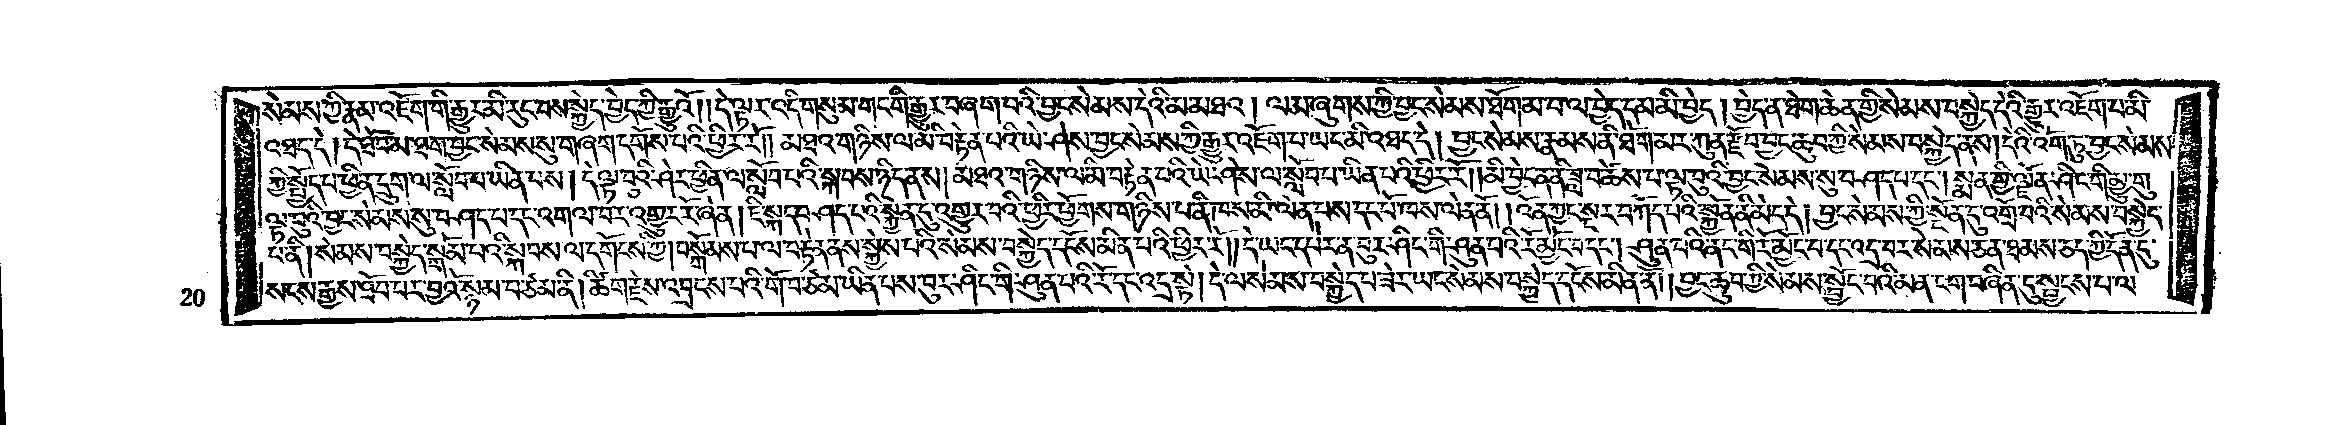སེམས་ཀྱི་རྣམ་འཇོག་གི་རྒྱུར་མི་རུང་བས་སྐྱེད་བྱེད་ཀྱི་རྒྱུའོ། །དེ་ལྟར་འདི་གསུམ་གང་གི་རྒྱུར་བཞག་བའི་བྱང་སེམས་དེའི་མ་མཐའ། ལམ་ཞུགས་ཀྱི་བྱང་སེམས་ཐོག་མ་པ་ལ་བྱེད་དམ་མི་བྱེད། བྱེད་ན་ཐེག་ཆེན་གྱི་སེམས་བསྐྱེད་དེའི་རྒྱུར་འཇོག་པ་མི་
འཐད་དེ། དེ་ཐོབ་མ་ཐག་བྱང་སེམས་སུ་གཞག་དགོས་པའི་ཕྱིར་རོ། །མཐའ་གཉིས་ལ་མི་བརྟེན་པའི་ཡེ་ཤེས་བྱང་སེམས་ཀྱི་རྒྱུར་འཇོག་པ་ཡང་མི་འཐད་དེ། བྱང་སེམས་རྣམས་ནི་ཐོག་མར་ཀུན་རྫོབ་བྱང་ཆུབ་ཀྱི་སེམས་བསྐྱེད་ནས། དེའི་འོག་ཏུ་བྱང་སེམས་
ཀྱི་སྤྱོད་པ་ཕྱིན་དྲུག་ལ་སློབ་པ་ཡིན་པས། དེ་ལྟ་བུའི་ཤེར་ཕྱིན་ལ་སློབ་པའི་སྐབས་ཉིད་ནས། མཐའ་གཉིས་ལ་མི་བརྟེན་པའི་ཡེ་ཤེས་ལ་སློབ་པ་ཡིན་པའི་ཕྱིར་རོ། །མི་བྱེད་ན་ནི་ཟླ་བ་ཚེས་པ་ལྟ་བུའི་བྱང་སེམས་སུ་བཤད་པ་དང་། སྨན་གྱི་ལྗོན་ཤིང་གི་མྱུ་གུ་
ལྟ་བུའི་བྱང་སེམས་སུ་བཤད་པ་དང་འགལ་བར་འགྱུར་རོ་ཞེ་ན། ཇི་སྐད་བཤད་པའི་སྐྱོན་དུ་འགྱུར་བའི་ཕྱིར་ཕྱོགས་གཉིས་པ་ནི་ཁས་མི་ལེན་པས་དང་པོ་ཁས་ལེན་ནོ། །འོན་ཀྱང་སྔར་བཀོད་པའི་སྐྱོན་ནི་མེད་དེ། བྱང་སེམས་ཀྱི་སྔོན་དུ་འགྲོ་བའི་སེམས་བསྐྱེད་
པ་ནི། སེམས་བསྐྱེད་སྒོམ་པའི་སྐབས་ལ་དགོངས་ཀྱི། བསྒོམས་པ་ལ་བརྟེན་ནས་སྐྱེས་པའི་སེམས་བསྐྱེད་དངོས་མིན་པའི་ཕྱིར་རོ། །དེ་ཡང་དཔེར་ན་བུར་ཤིང་གི་ཤུན་པའི་རོ་མྱོང་བ་དང་། ཤུན་པའི་ནང་གི་རོ་མྱོང་བ་དང་འདྲ་བར་སེམས་ཅན་ཐམས་ཅད་ཀྱི་དོན་དུ་
སངས་རྒྱས་ཐོབ་པར་བྱའོ་སྙམ་པ་ཙམ་ནི། ཚིག་རྗེས་འབྲངས་པའི་གོ་བ་ཙམ་ཡིན་པས་བུར་ཤིང་གི་ཤུན་པའི་རོ་དང་འདྲ་སྟེ། དེ་ལ་སེམས་བསྐྱེད་པ་ཟེར་ཡང་སེམས་བསྐྱེད་དངོས་མིན་ནོ། །བྱང་ཆུབ་ཀྱི་སེམས་སྦྱོང་བའི་མན་ངག་བཞིན་དུ་སྦྱངས་པ་ལ་